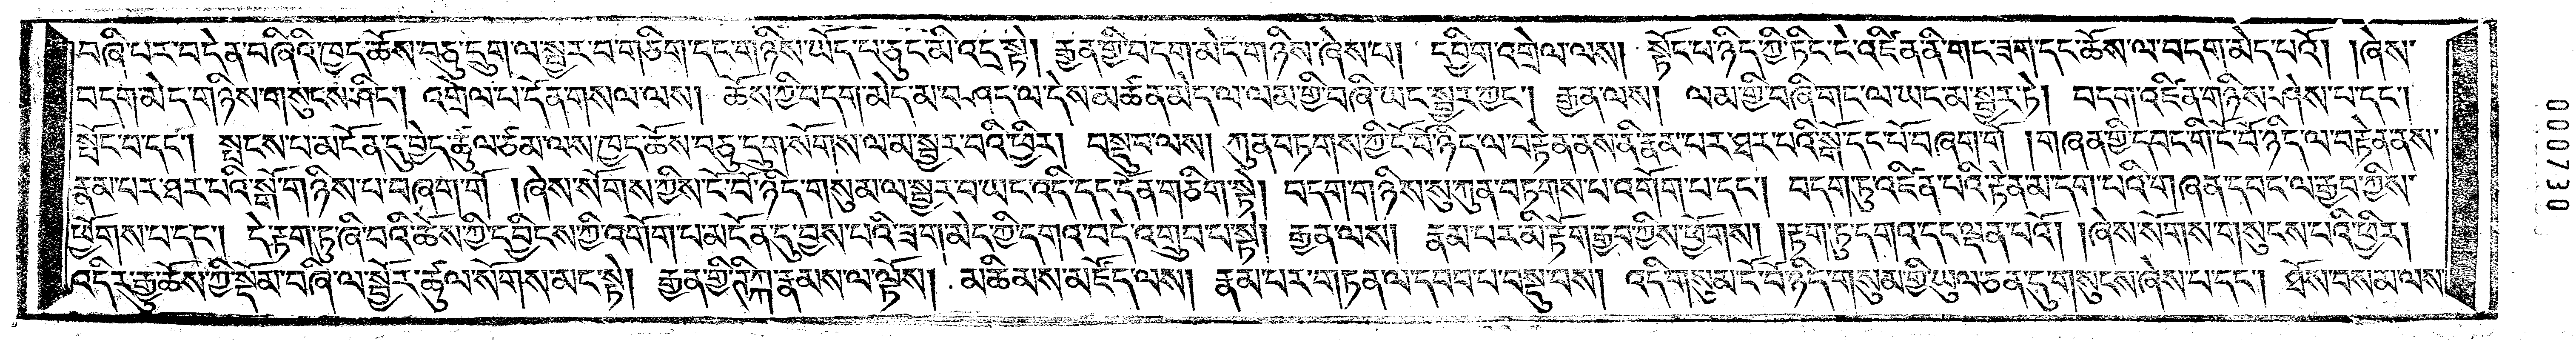བཞི་པར་བདེན་བཞིའི་ཁྱད་ཆོས་བཅུ་དྲུག་ལ་སྦྱར་བ་གཅིག་དང་གཉིས་ཡོད་པ་ཅུང་མི་འདྲ་སྟེ། རྒྱན་གྱི་བདག་མེད་གཉིས་ཞེས་པ། དབྱིག་འགྲེལ་ལས། སྟོང་པ་ཉིད་ཀྱི་ཏིང་ངེ་འཛིན་ནི་གང་ཟག་དང་ཆོས་ལ་བདག་མེད་པའོ། །ཞེས་
བདག་མེད་གཉིས་གསུངས་ཤིང་། འགྲེལ་པ་དོན་གསལ་ལས། ཆོས་ཀྱི་བདག་མེད་མ་བཤད་ལ་དེས་མཚན་མེད་ལ་ལམ་གྱི་བཞི་ཡང་སྦྱར་ཀྱང་། རྒྱན་ལས། ལམ་གྱི་བཞི་གང་ལ་ཡང་མ་སྦྱར་ཏེ། བདག་འཛིན་གཉིས་ཤེས་པ་དང་།
སྤོང་བ་དང་། སྤངས་པ་མངོན་དུ་བྱེད་ཚུལ་ཙམ་ལས་ཁྱད་ཆོས་བཅུ་དྲུག་སོགས་ལ་མ་སྦྱར་བའི་ཕྱིར། བསྡུ་བ་ལས། ཀུན་བཏགས་ཀྱི་ངོ་བོ་ཉིད་ལ་བརྟེན་ནས་ནི་རྣམ་པར་ཐར་པའི་སྒོ་དང་པོ་བཞག་གོ །གཞན་གྱི་དབང་གི་ངོ་བོ་ཉིད་ལ་བརྟེན་ནས་
རྣམ་པར་ཐར་པའི་སྒོ་གཉིས་པ་བཞག་གོ །ཞེས་སོགས་ཀྱིས་ངོ་བོ་ཉིད་གསུམ་ལ་སྦྱར་བ་ཡང་འདི་དང་དོན་གཅིག་སྟེ། བདག་གཉིས་སུ་ཀུན་བཏགས་པ་འགོག་པ་དང་། བདག་ཏུ་འཛིན་པའི་རྟེན་མ་དག་པའི་གཞན་དབང་ལ་རྒྱབ་ཀྱིས་
ཕྱོགས་པ་དང་། དེ་རྟག་ཏུ་ཞི་བའི་ཆོས་ཀྱི་དབྱིངས་ཀྱི་འགོག་པ་མངོན་དུ་བྱས་པའི་ཟག་མེད་ཀྱི་དགའ་བདེ་འགྲུབ་པ་སྟེ། རྒྱན་ལས། རྣམ་པར་མི་རྟོག་རྒྱབ་ཀྱིས་ཕྱོགས། །རྟག་ཏུ་དགའ་དང་ལྡན་པའོ། །ཞེས་སོགས་གསུངས་པའི་ཕྱིར།
འདིར་རྒྱུ་ཆོས་ཀྱི་སྡོམ་བཞི་ལ་སྦྱོར་ཚུལ་སོགས་མང་སྟེ། རྒྱན་གྱི་ཊིཀྐ་རྣམས་ལ་ལྟོས། མཆིམས་མཛོད་ལས། རྣམ་པར་གཏན་ལ་དབབ་པ་བསྡུ་བས། འདི་གསུམ་ངོ་བོ་ཉིད་གསུམ་གྱི་ཡུལ་ཅན་དུ་གསུངས་ཞེས་པ་དང་། ཐོས་བསམ་ལས་